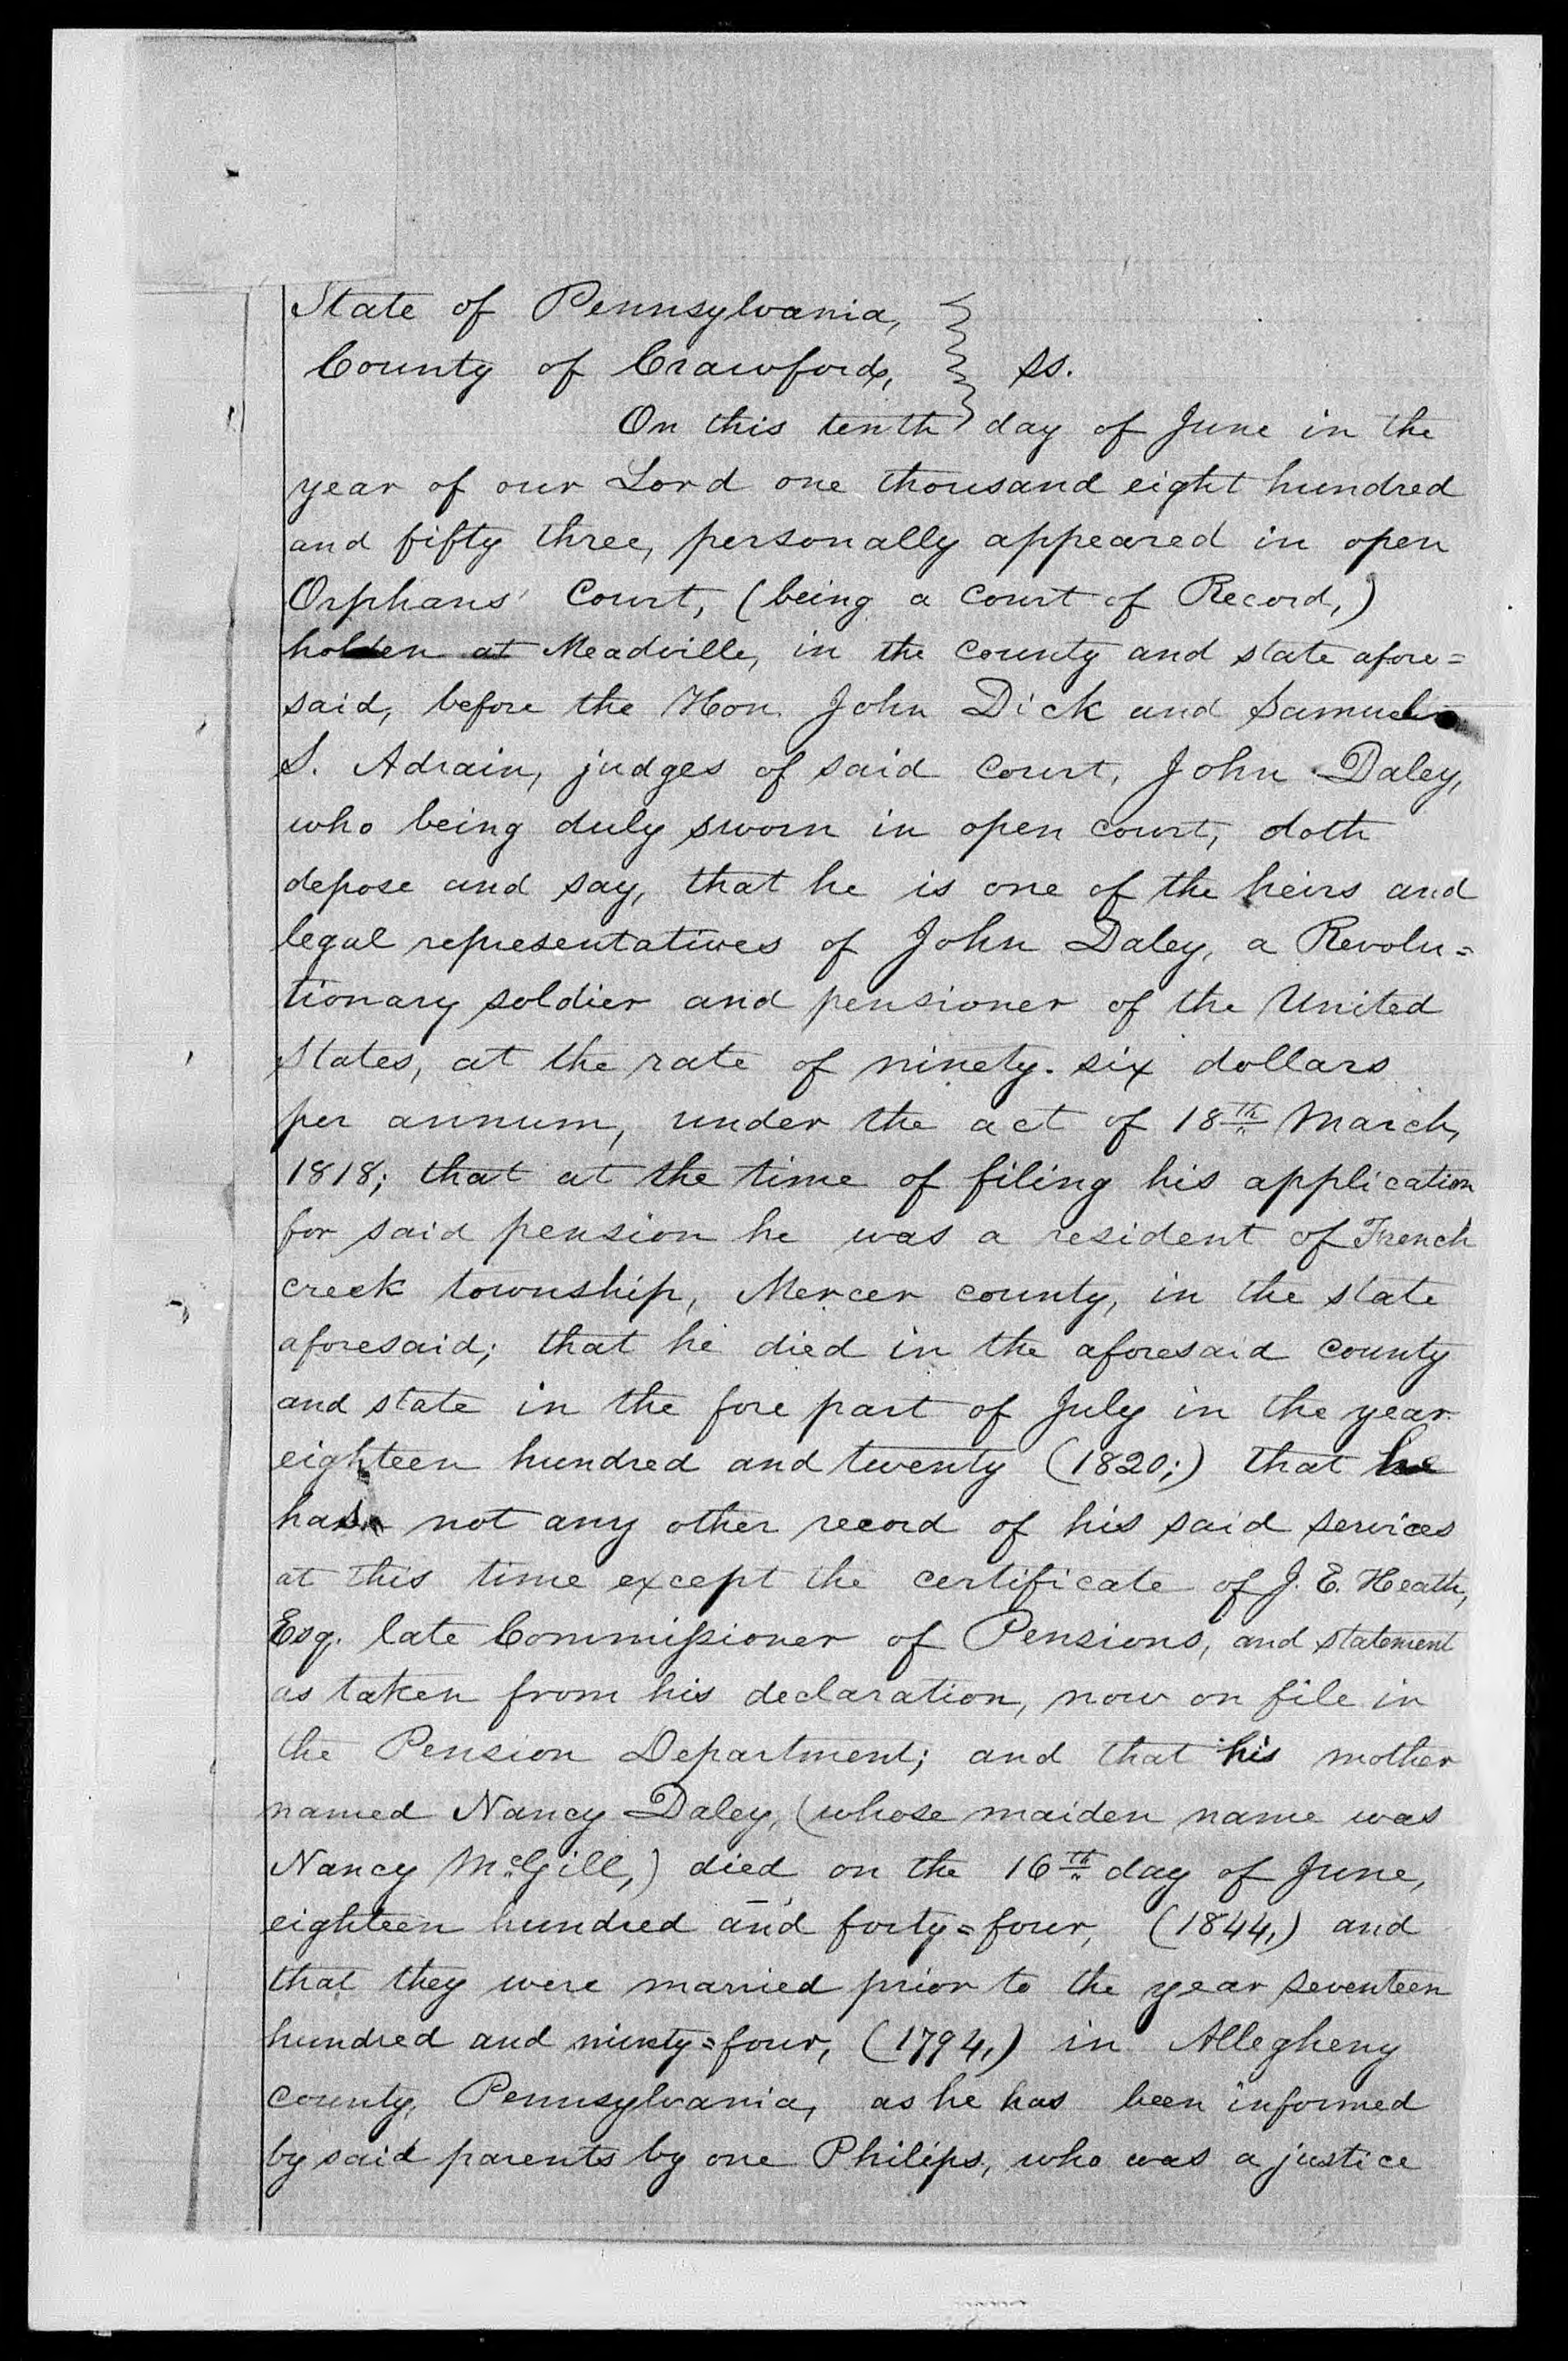State of Pennsylvania
County of Crawford
On this tenth day of June in the year of our Lord one thousand eight hundred and fifty three, personally appeared in open Orphans' Court, (being a court of record,) holden at Meadville, in the county and state aforesaid, before the Hon. John Dick and Samuel S. Adrain, judges of said court, John Daley, who being duly sworn in open court, doth depose and say, that he is one of the heirs and legal representatives of John Daley, a Revolutionary soldier and pensioner of the United States, at the rate of ninety six dollars per annum, under the act of 18th March, 1818; that at the time of filing his application for said pension he was a resident of French Creek township, Mercer county, in the state aforesaid, that he died in the aforesaid county and state in the fore part of July in the year eighteen hundred and twenty (1820;) that he has not other record of his said services at this time except the certificate of J. E. Heath Esq. late Commissioner of Pensions, and statement as taken from his declaration, now on file in the Pension Department; and that his mother named Nancy Daley, (whose maiden name was Nancy McGill,) died on the 16th day of June, eighteen hundred and forty-four, (1844,) and that they were married prior to the year seventeen hundred and ninety-four, (1794) in Allegheny County, Pennsylvania, as he has been informed by said parents by one Philips, who was a justice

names: John Daley, Samuel S Adrain, John Dick, Nancy Mc Gill, Nancy Daley, Philips, J E Heath, John Daley, Prior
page: 11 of 63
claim: widow's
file: W. 3228, John Daly, Penn.